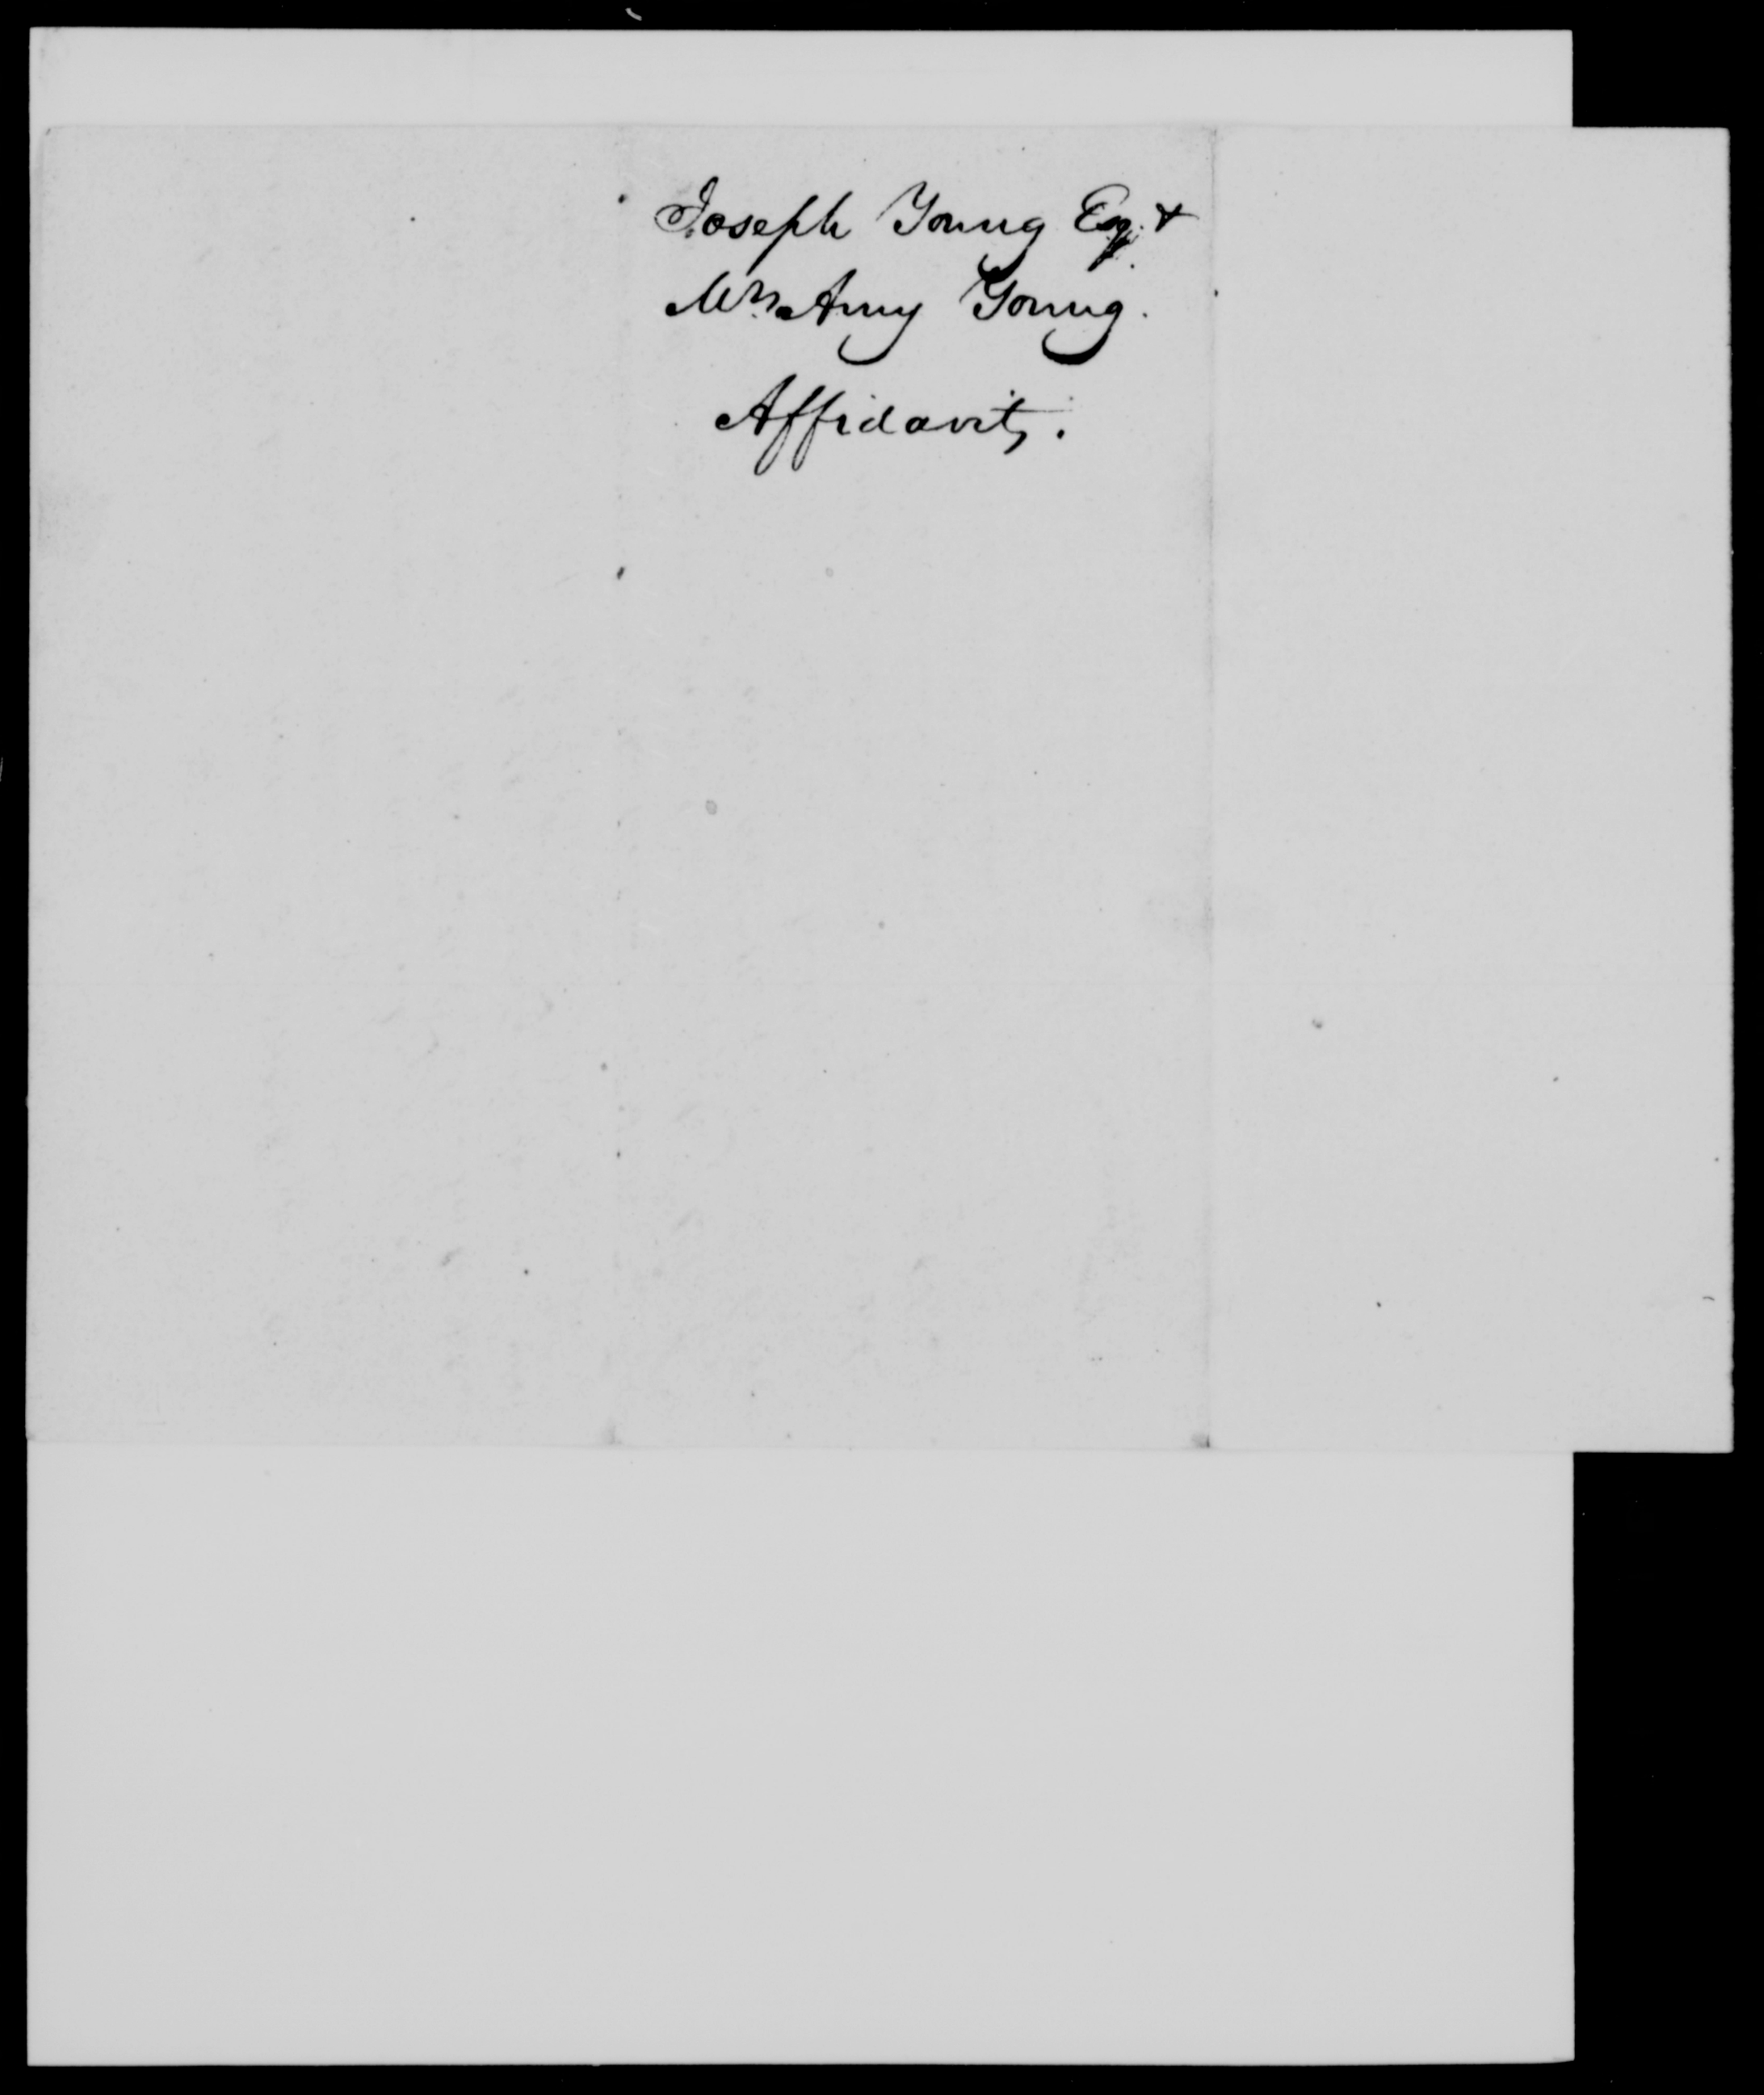Joseph Young Esq. +
Mrs. Any Young
Affidavits.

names: Joseph Young, Amy Young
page: 20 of 56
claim: widow's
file: W. 9040, Levi Young, Ga. New Jersey S.C.